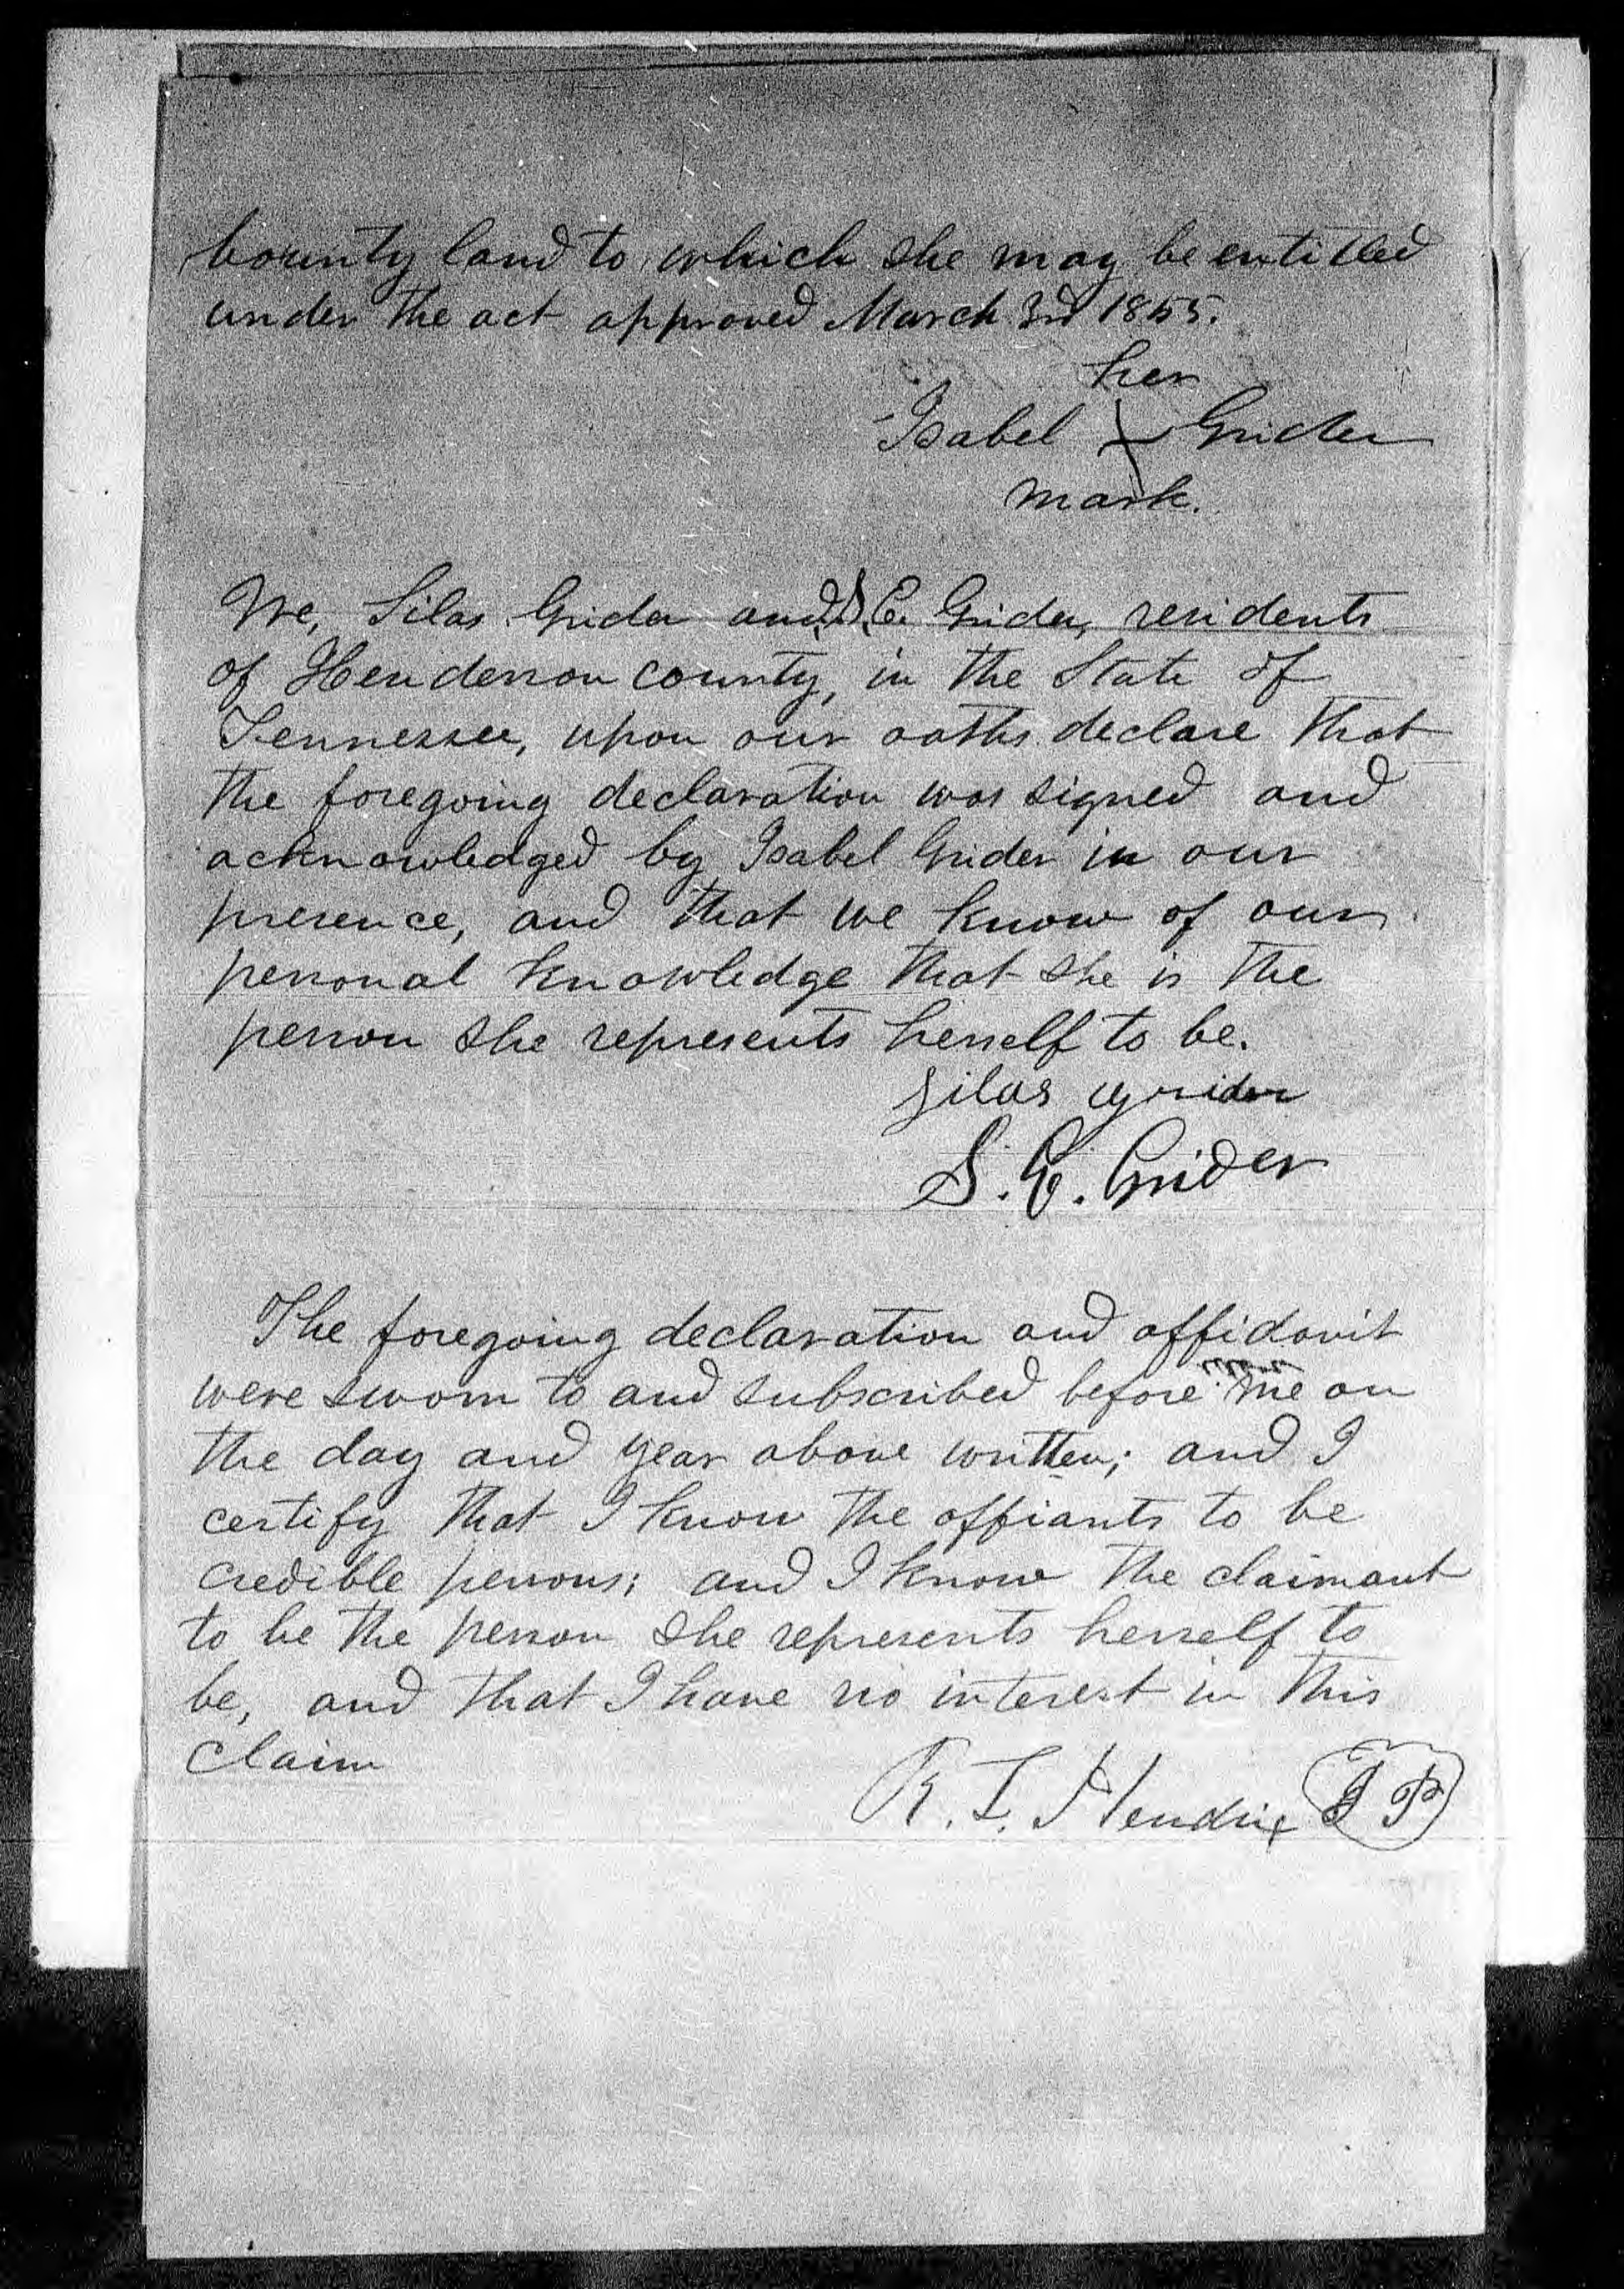county land to which she may be entitled under the act approved March 3rd 1845.

Isabel Grider
X  her mark

Me, Silas Grider and S. E. Grider residents of Henderson County, in the State of Tennessee, upon our oaths declare that the foregoing declaration was signed and acknowledged by Isabel Grider in our presence, and that we know of our personal knowledge that she is the person she represents herself to be.

Silas Grider
S.E. Grider

The foregoing declaration and affidavit were sworn to and subscribed before me on the day and year above written; and I certify that I know the affiants to be credible persons, and I know the claimant to be the person she represents herself to be, and that I have no interest in this claim.

R. I. Hendrix (JP)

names: Isabel Grider, S E Grider, Isabel Grider, Silas Grider, R L Hendrix, E Grider, Silas Grider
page: 21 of 91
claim: widow's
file: W 358, John Grider, N.C.